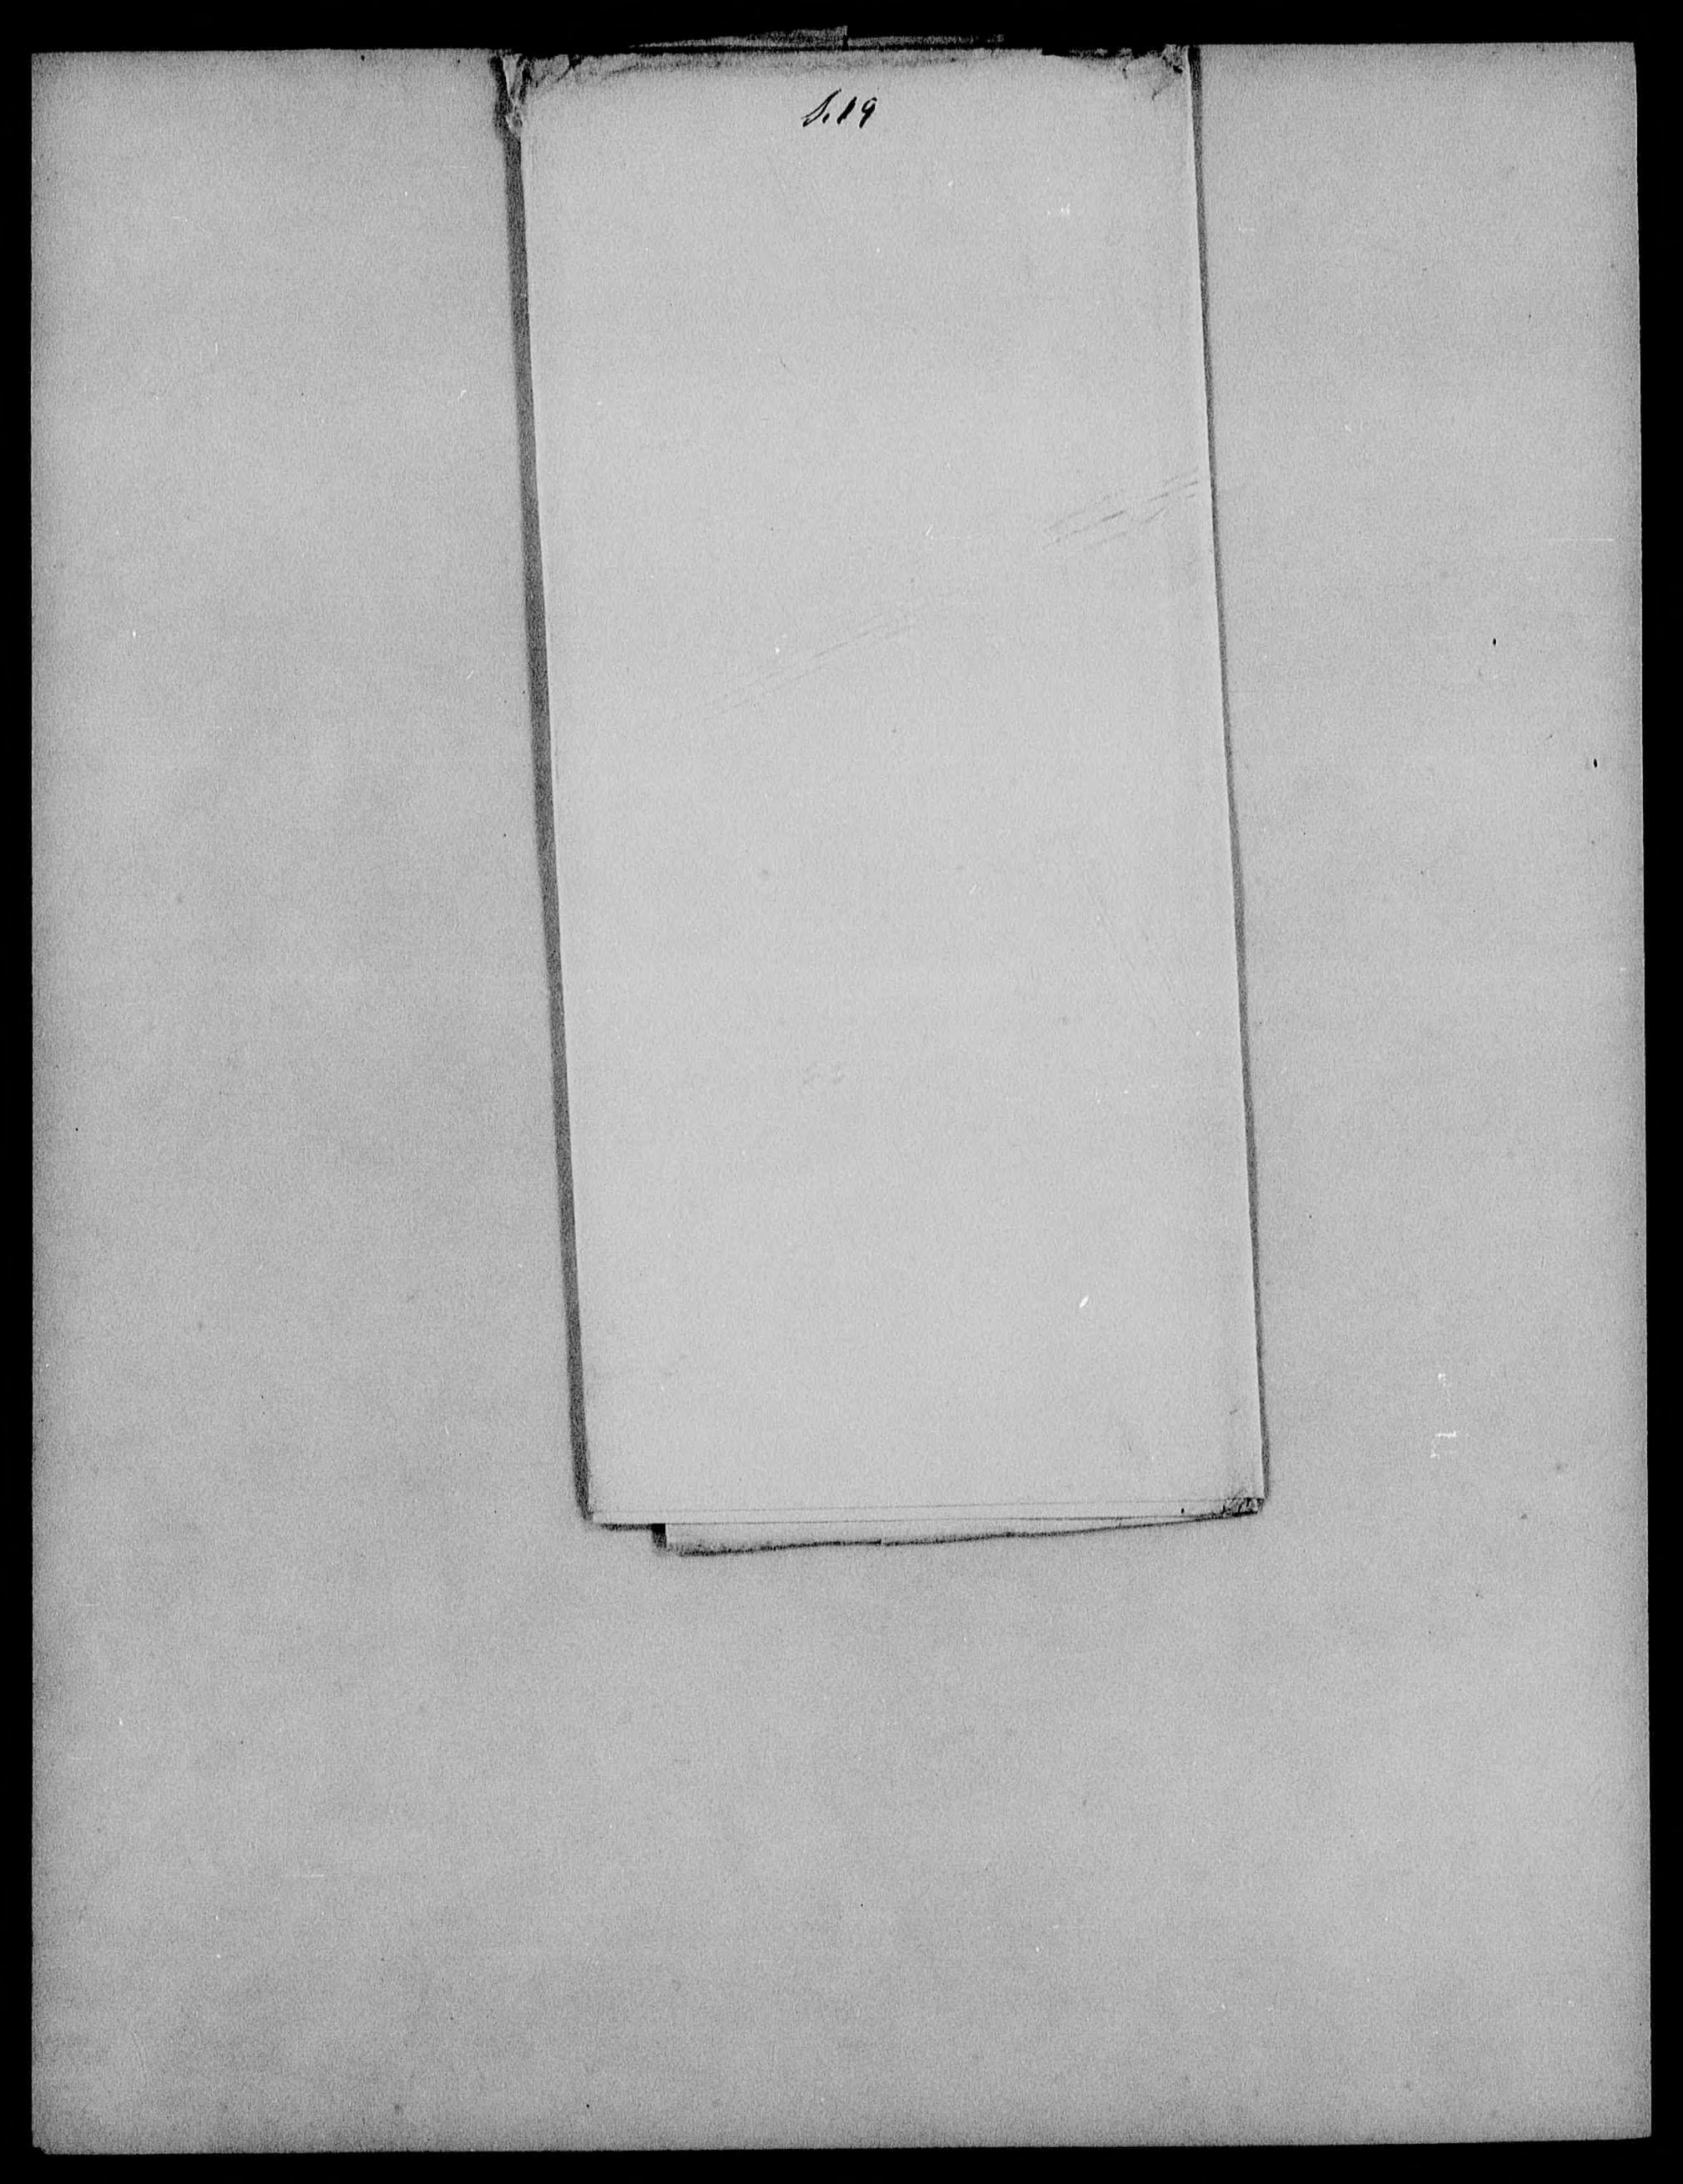[Image 80    Skipped image.   Fold 3 includes a cover page: NATIONAL ARCHIVES MICROFILM PUBLICATIONS  SELECTED RECORDS]

Image 81  image    4160873_00081.jpg        
Fold3 File #23857247

S.19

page: 23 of 71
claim: widow's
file: W. 8428, for James Mc Gill, Pennsylvania